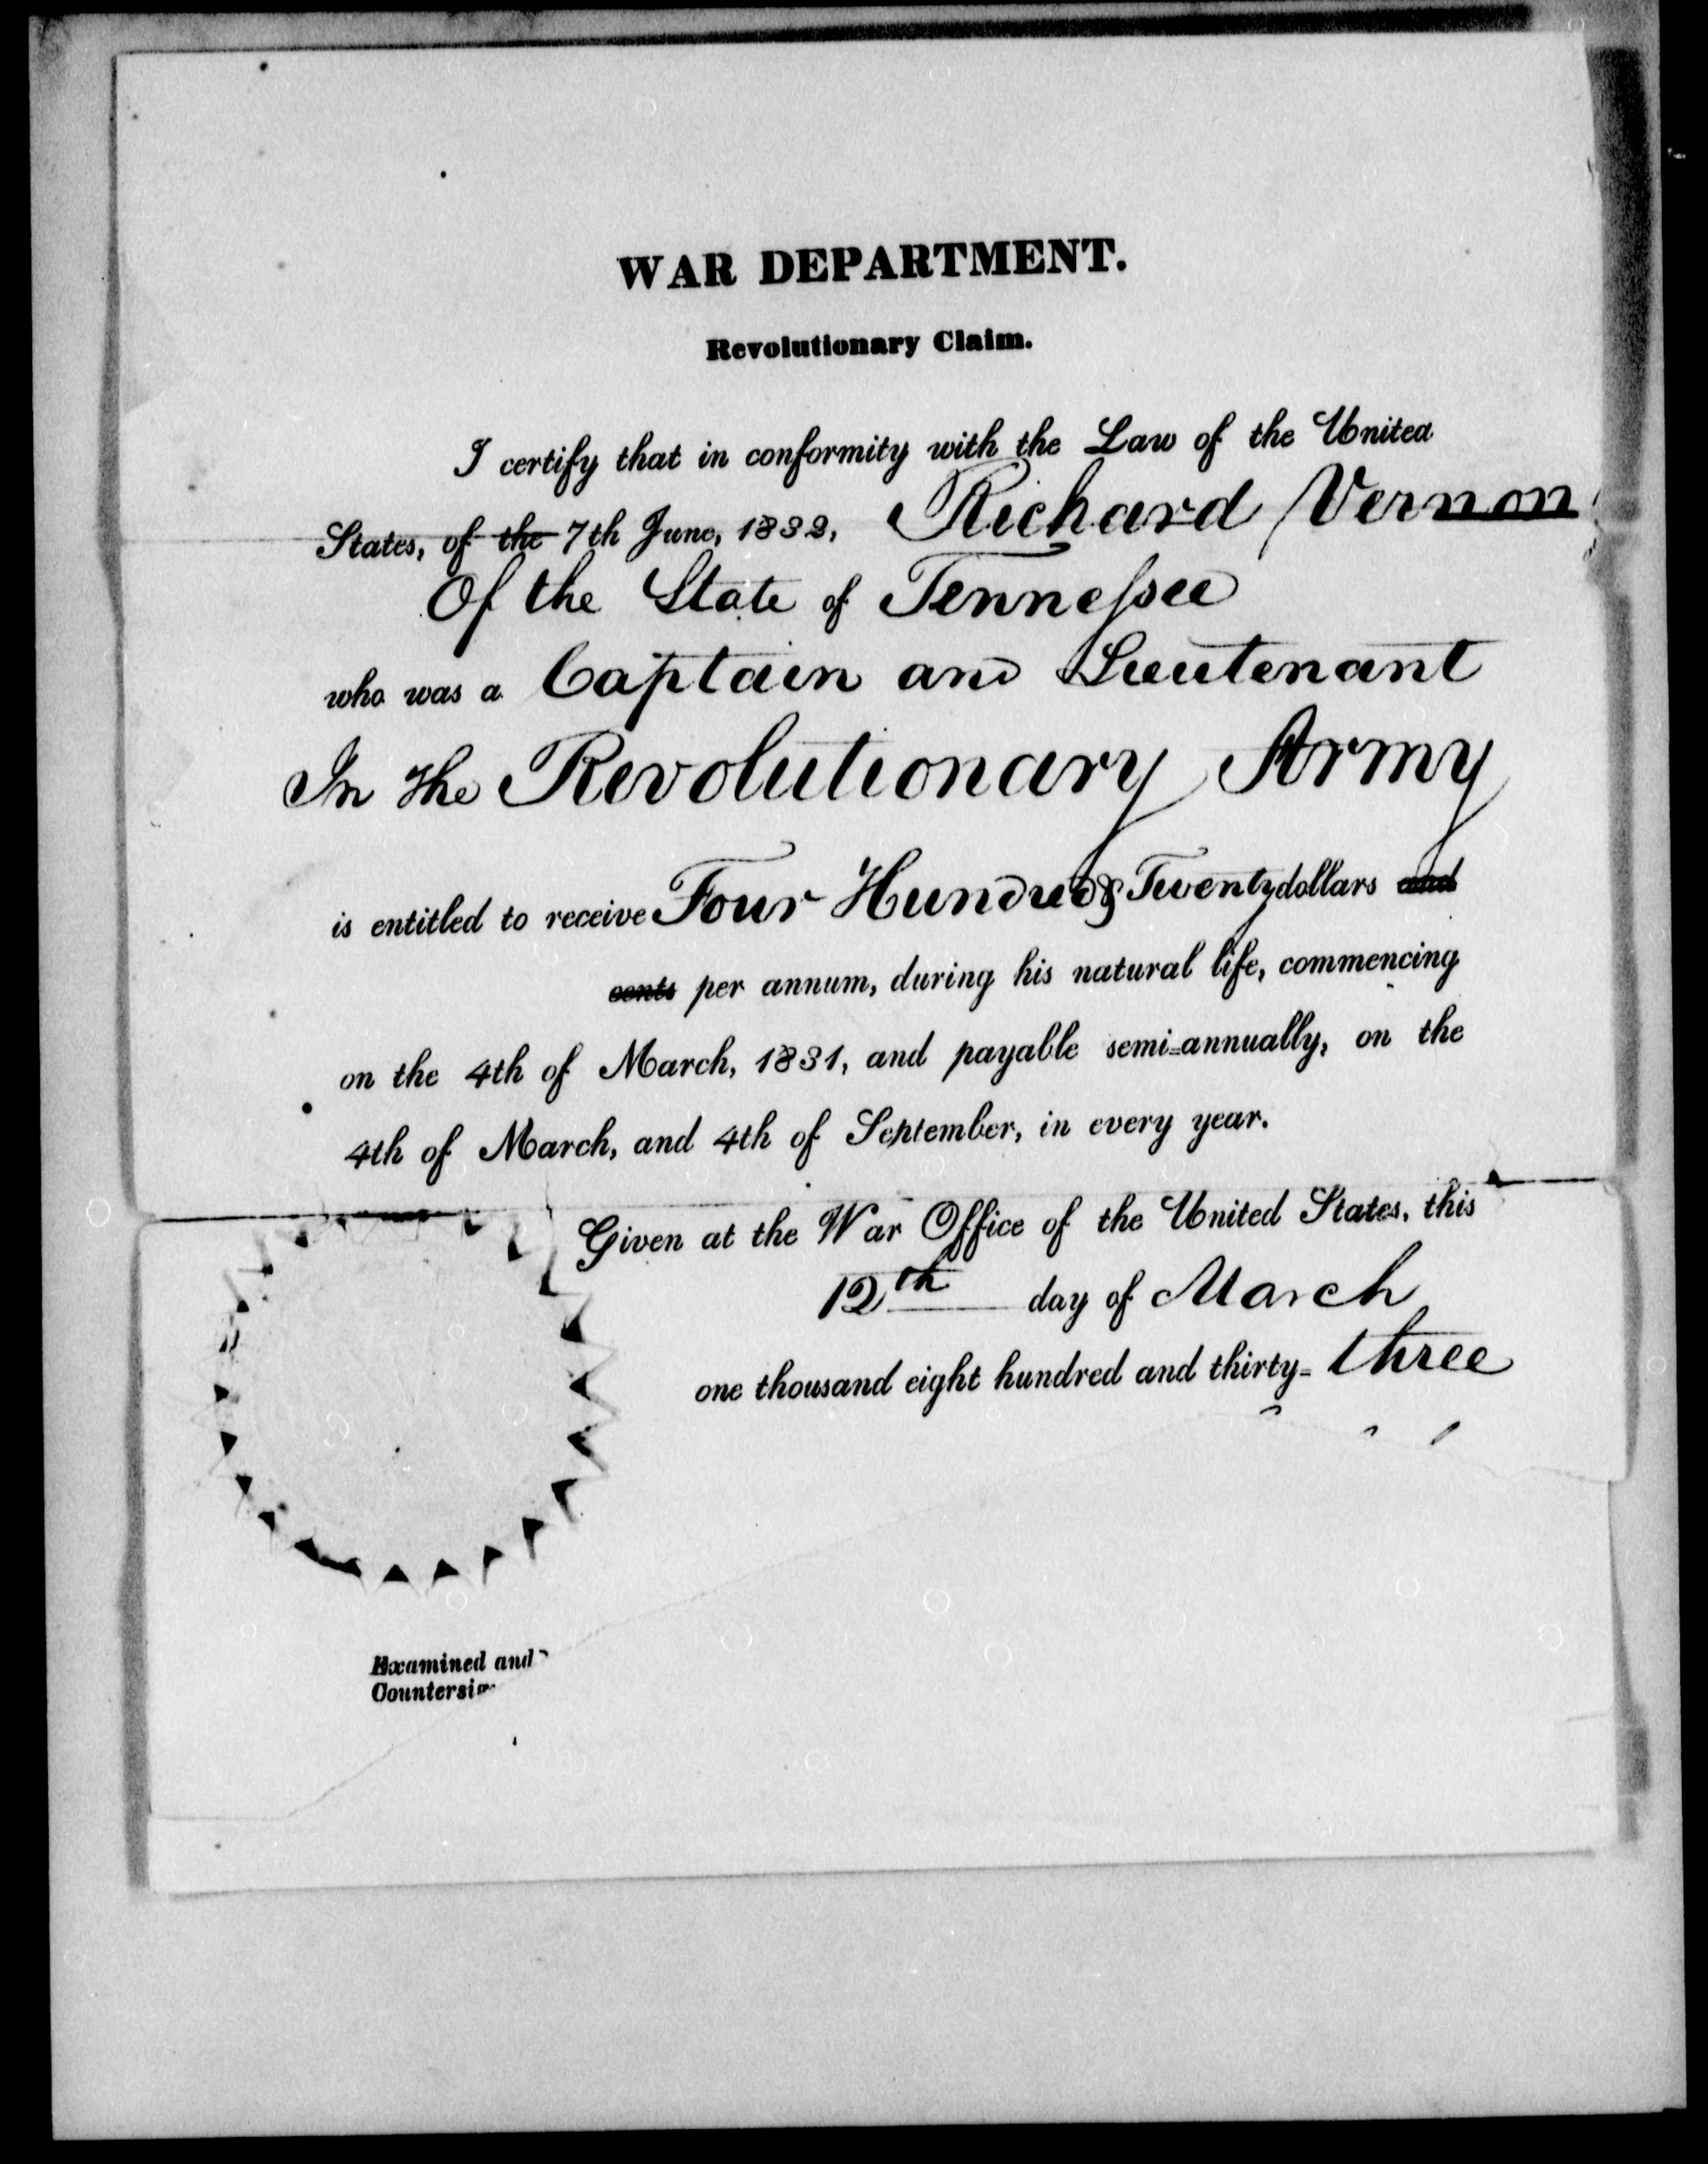WAR DEPARTMENT.
Revolutionary Claim.

I certify in conformity with the Law of the United States, of the 7th June 1832, Richard Vernon of the State of Tennessee who was a Captain and Lieutenant In the Revolutionary Army is entitled to receive Four Hundred & Twenty dollars ["and cents" is crossed out] per annum, during his natural life, commencing on the 4th of March, 1834, and payable semi=annually, on the 4th of March, and 4th of September, in every year. 
Given at the War Office of the United States, this 12th day of March one thousand eight hundred and thirty-three

Circular seal with pointed edge
Examined and Countersigned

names: Richard Vernon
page: 39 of 105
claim: survivor's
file: S. 1883, Richard Vernon, N.C.